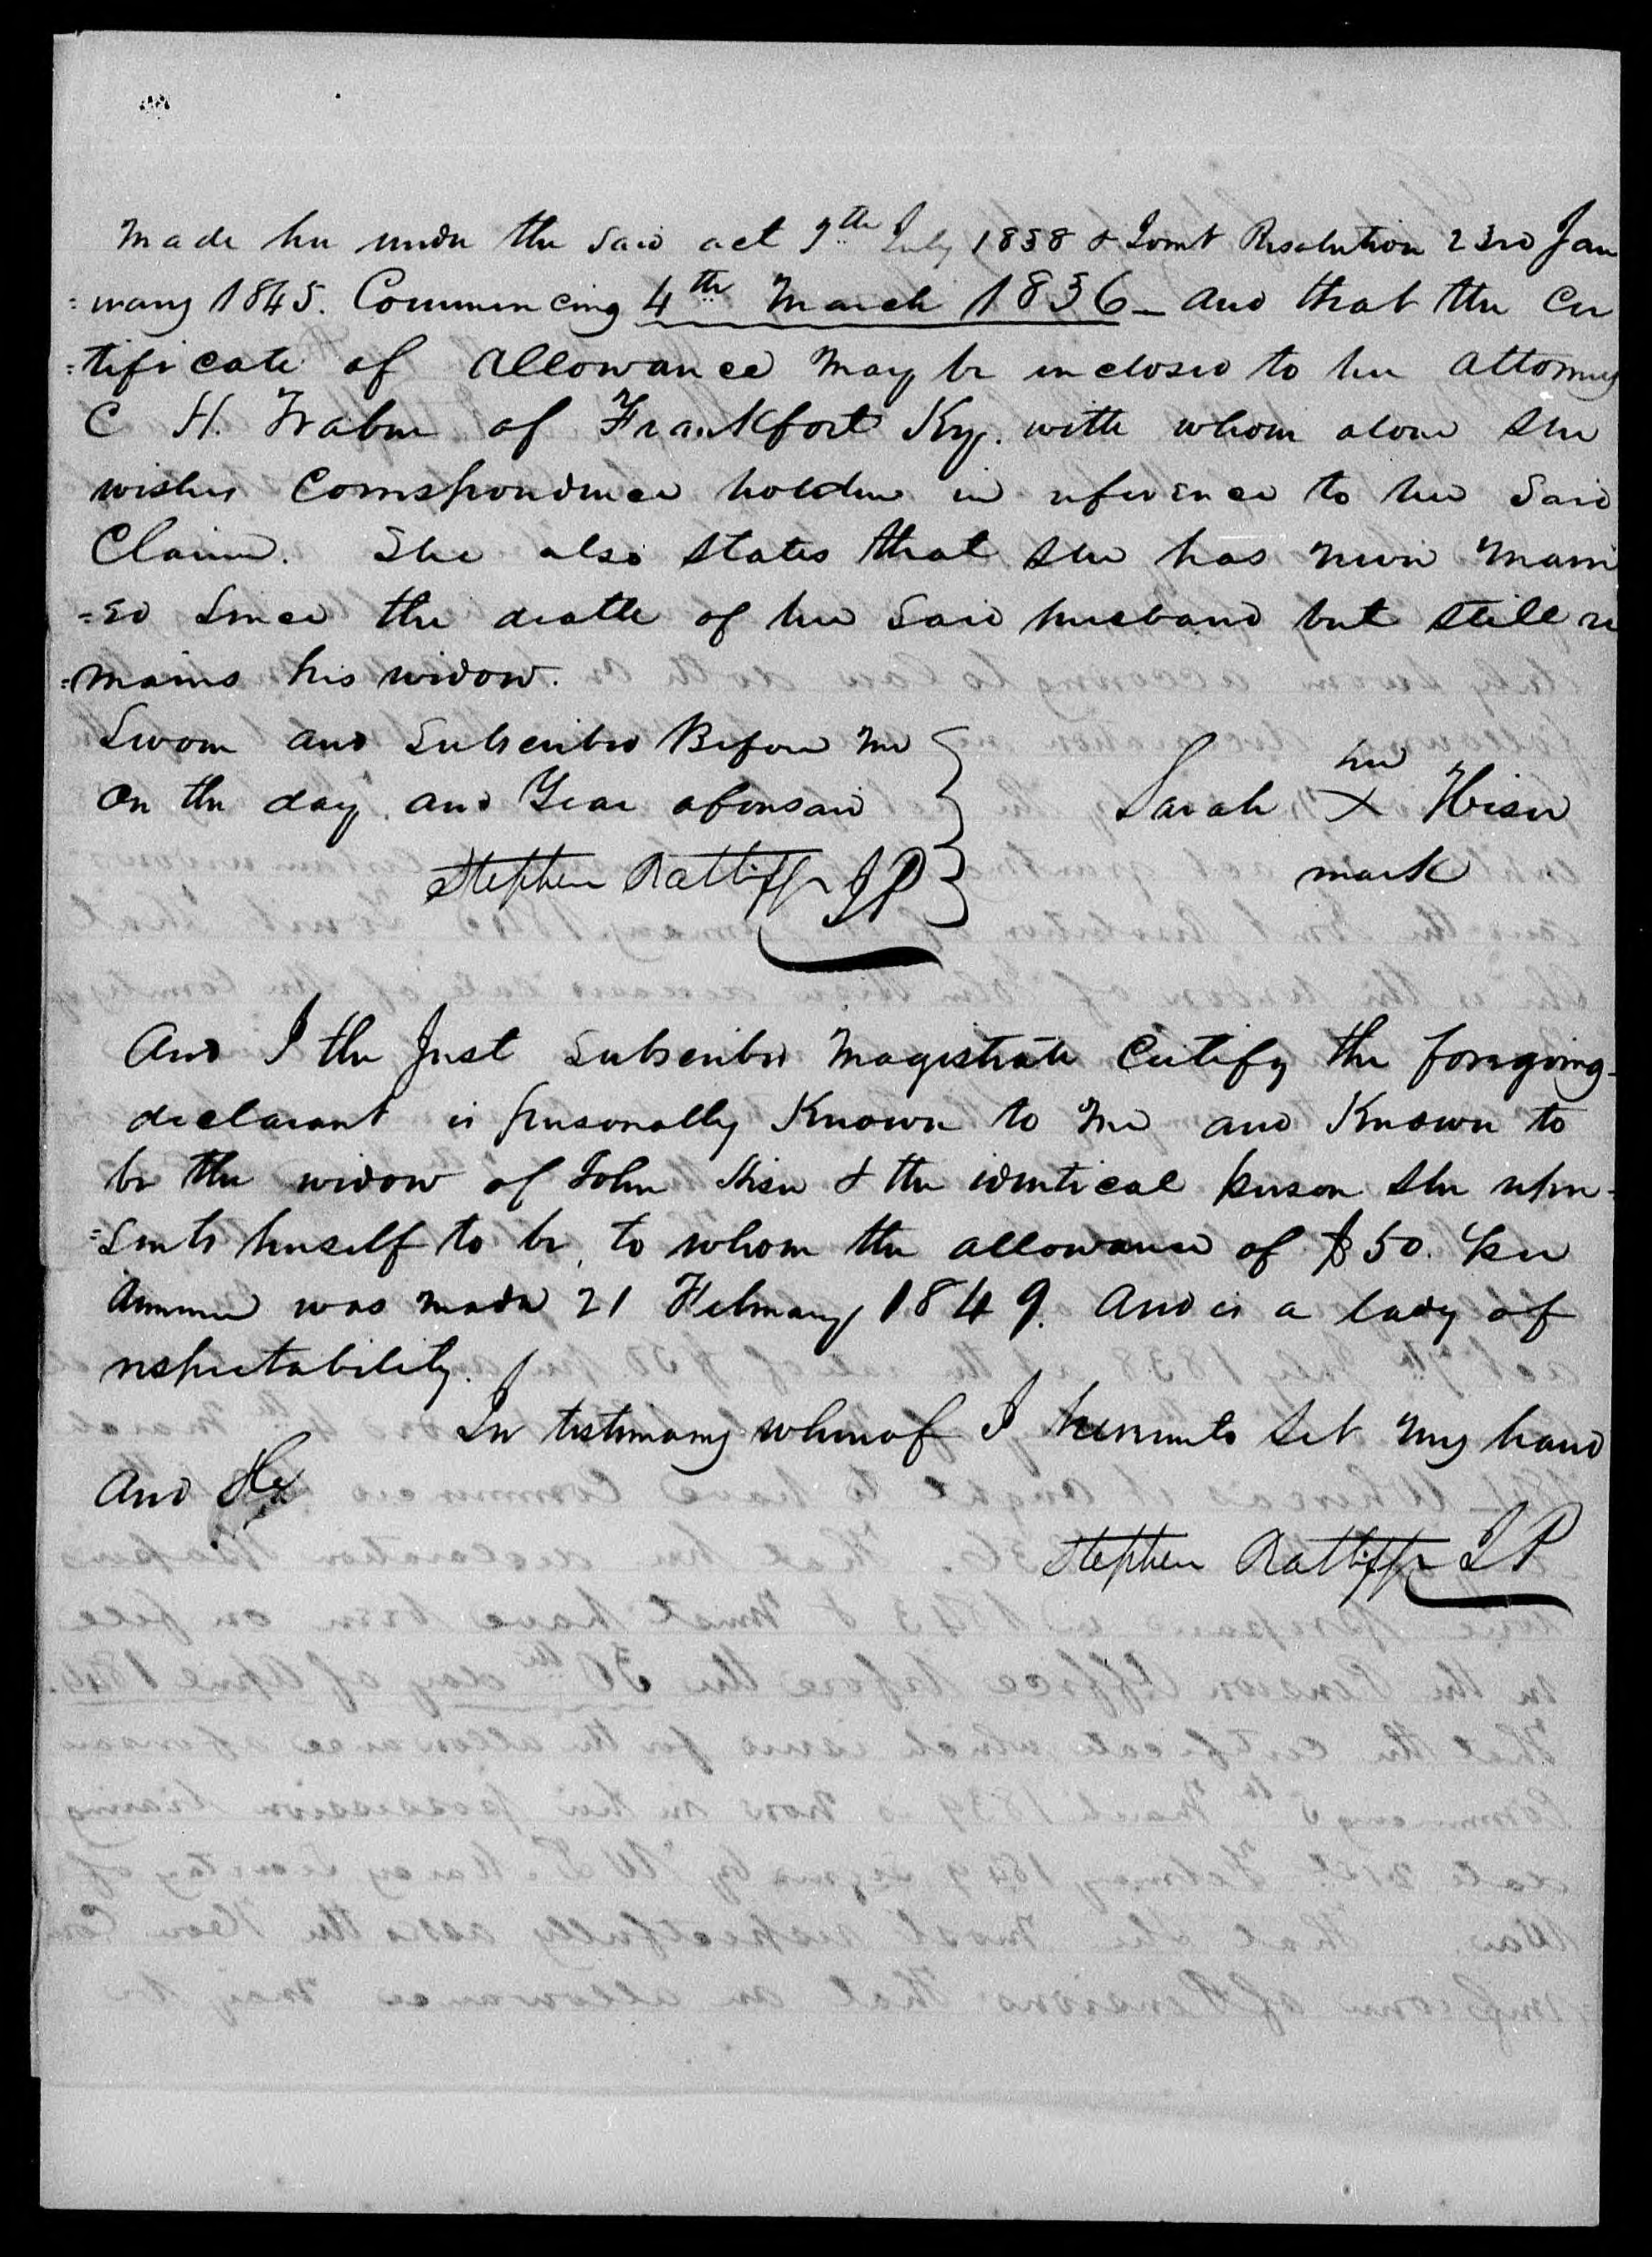made her under the said act 7th July 1838 and [illegible] Resolution 23rd January 1845. commencing 4th March 1836 (underline 4th March 1836)-and that the certificate of allowance may be enclosed to her attorney C.H.Traube of Frankfort Ky. with whom alone she wishes Correspondence holden in influence to [illegible] said claim. She also states that she has not married after the death of her said husband but still remains his widow.
Sworn and Subscribed before me on this day and year aforesaid}Stephen Ratliff JP

And I the Just subscribed Magistrate Certify the foregoing declarant is personally known to me and known to b the widow of John Hiser and the identical person she  presents herself to be, to whom the allowance of 50 per annum was made 21 February 1849 and is a lady of respectability.

In testimony whereof I hereunto set my hand and seal .Stephen Ratliff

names: Sarah Hiser, C H Trabue, Stephen Ratliff, Stephen Ratliff, John Hiser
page: 50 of 58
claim: widow's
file: W. 8932, John Hiser, Penn.